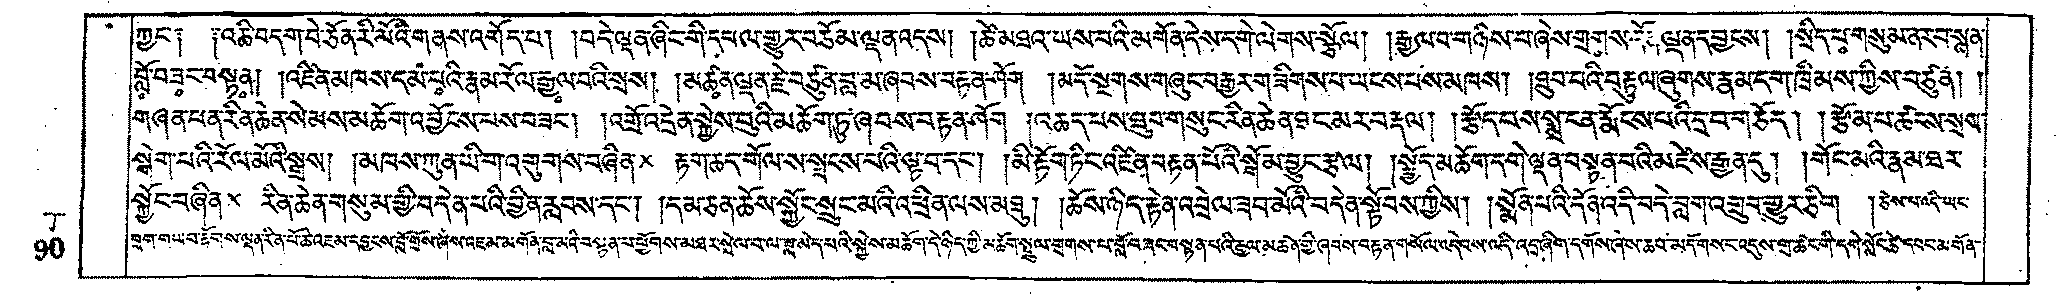ཀྱང༑ ༑ འཆི་བ་བདག་བེ་ཅོན་རིན་མོའི་གནས་འགོ་དང་། །བདེ་ལྡན་ཞིང་གི་དཔལ་གྱུར་བཅོམ་ལྡན་འདས། །ཚེ་མྟའ་ཡས་པའི་མགོན་དེས་དགེ་ལེགས་སྩོལ། །རྒྱལ་བ་གཉིས་པ་ཞེས་གྲགས་དོན་ལྡན་དབྱངས། །སྲིད་པ་གསུམ་ན་རབ་སྙན་
བློ྾་བཟང྾་བསྟན྾། །འཛིན་མཁས་དམ་པའི྾་རྣམ་རོལ་རྒྱལ྾་བའི་སྲས། །མཚན྾་ལྡན་རྗེ་བཙུན་བླ་མ་ཞབས་བརྟན་ཤོག། །མདོ་སྔགས་གཞུང་བརྒྱར་གཟིགས་པ་ཡངས་པས་མཁས། །ཐུབ་པའི་བརྟུལ་ཞུགས་རྣམ་དག་ཁྲིམས་ཀྱིས་བཙུན། །
གཞན་ཕན་རིན་ཆེན་སེམས་མཆོག་འབྱོངས་པས་བཟང་། །འགྲོ་འདྲེན་སྐྱེས་བུའི་མཆོག་ཏུ་ཞབས་བརྟན་ཤོག །འཆད་པས་ཐུབ་གསུང་རིན་ཆེན་ཐང་མར་བརྡལ། །རྩོད་པས་སྨྲ་ངན་རྨོངས་པའི་དྲ་བ་གཅོད། །རྩོམ་པ་ཚངས་སྲས་
སྒེག་པའི་རོལ་མོའི་སྒྲས། །མཁས་ཀུན་ཡིག་འགུགས་བཞིན་྾་རྟག་ཆ་གོལ་ས་སྤངས་བའི་ལྟ་བ་དང་། །མི་རྟོག་ཏིང་འཛིན་བརྟན་པོའི་སྒོམ་བྱུང་རྩལ། །སྤྱོད་མཆོག་དགེ་ལྡན་བསྟན་པའི་མཛེས་རྒྱན་དུ། །གོང་མའི་རྣམ་ཐར་
སྐྱོང་བཞིན་྾་རིན་ཆེན་གསུམ་གྱི་བདེན་པའི་བྱིན་རླབས་དང་། །དམ་ཅན་ཆོས་སྐྱོང་སྲུང་མའི་འཕྲིན་ལས་མཐུ། །ཆོས་ཉིད་རྟེན་འབྲེལ་ཟབ་མོའི་བདེན་སྟོབས་ཀྱིས། །སྨོན་པའི་དོན་འདི་བདེ་བླག་འགྲུབ་གྱུར་ཅིག །ཅེས་པ་འདི་ཡང་
བྲག་གཡབ་བ་རྟོགས་ལྡན་རིན་པོ་ཆེ་འཇམ་དབྱངས་བློ་གྲོས་མགོན་བླ་མའི་བསྟན་པ་ཕྱོགས་མཐར་སྤེལ་བ་ལ་ཟླ་མེད་པའི་སྐྱེས་མཆོག་དེ་ཉིད་ཀྱིས་མཆོག་སྤྲུལ་གྲགས་པ་བློ་བཟང་བསྟན་པའི་རྒྱལ་མཚན་གྱི་ཞབས་བརྟན་གསོལ་འདེབས་འདི་འདྲ་ཞིག་དགོས་ཞེས་ཆབ་མདོ་གསང་འདུས་གྲ་ཚང་གི་དགེ་སློང་ཚེ་དབང་མགོན་་་